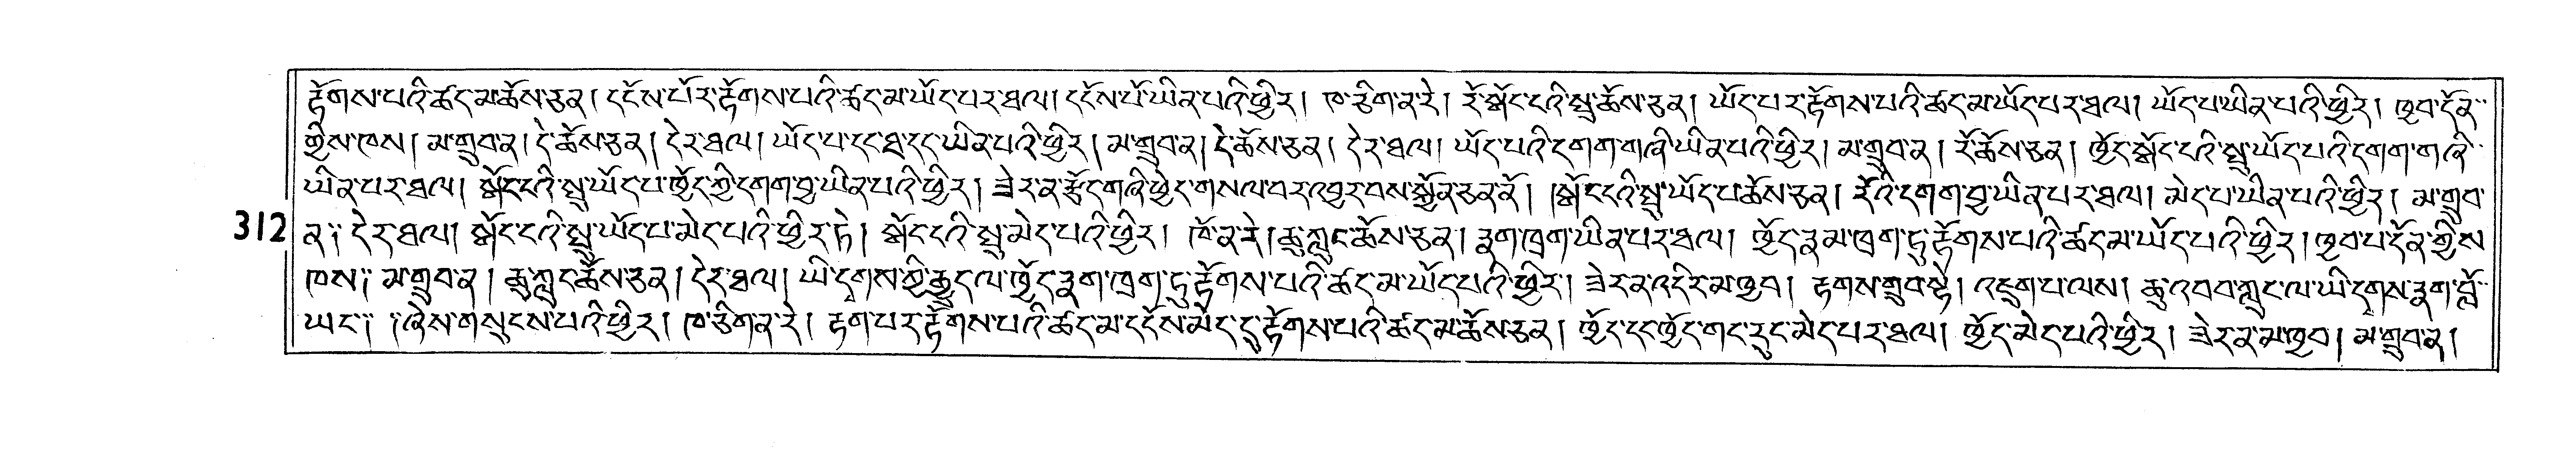རྟོགས་པའི་ཚད་མ་ཆོས་ཅན། དངོས་པོར་རྟོགས་པའི་ཚད་མ་ཡོད་པར་ཐལ། དངོས་པོ་ཡིན་པའི་ཕྱིར། ཁ་ཅིག་ན་རེ། རོ་སྒོང་ངའི་སྤྲ་ཆོས་ཅན། ཡོད་པར་རྟོགས་པའི་ཚད་མ་ཡོད་པར་ཐལ། ཡོད་པ་ཡིན་པའི་ཕྱིར། ཁྱབ་དོན་
གྱིས་ཁས། མ་གྲུབ་ན། དེ་ཆོས་ཅན། དེར་ཐལ། ཡོད་པ་དང་ཐ་དད་ཡིན་པའི་ཕྱིར། མ་གྲུབ་ན། དེ་ཆོས་ཅན། དེར་ཐལ། ཡོད་པའི་དགག་གཞི་ཡིན་པའི་ཕྱིར། མ་གྲུབ་ན། རོ་ཆོས་ཅན། ཁྱོད་སྒོང་ངའི་སྤུ་ཡོད་པའི་དགག་གཞི་
ཡིན་པར་ཐལ། སྒོང་ངའི་སྤུ་ཡོད་པ་ཁྱོད་ཀྱི་དགག་བྱ་ཡིན་པའི་ཕྱིར། ཟེར་ན་རྩོད་གཞི་ཕྱེད་གསལ་བར་འབྱར་བས་སྐྱོན་ཅན་ནོ། །སྒོང་ངའི་སྤུ་ཡོད་པ་ཆོས་ཅན། རོའི་དགག་བྱ་ཡིན་པར་ཐལ། མེད་པ་ཡིན་པའི་ཕྱིར། མ་གྲུབ་
ན༑ དེར་ཐལ། སྒོང་ངའི་སྤུ་ཡོད་པ་མེད་པའི་ཕྱིར་ཏེ། སྒོང་ངའི་སྤུ་མེད་པའི་ཕྱིར། ཁོ་ན་རེ། ཆུ་ཀླུང་ཆོས་ཅན། རྣག་ཁྲག་ཡིན་པར་ཐལ། ཁྱོད་རྣམ་ཁྲག་ཏུ་རྟོགས་པའི་ཚད་མ་ཡོད་པའི་ཕྱིར། ཁྱབ་པ་དོན་གྱིས་
ཁས༑ མ་གྲུབ་ན། ཆུ་ཀླུང་ཆོས་ཅན། དེར་ཐལ། ཡི་དྭགས་ཀྱི་རྒྱུད་ལ་ཁྱོད་རྣག་ཁྲག་ཏུ་རྟོགས་པའི་ཚད་མ་ཡོད་པའི་ཕྱིར། ཟེར་ན་འདིར་མ་ཁྱབ། རྟགས་གྲུབ་སྟེ། འཇུག་པ་ལས། ཆུ་འབབ་ཀླུང་ལ་ཡི་དྭགས་རྣག་བློ་
ཡང༑ ༑ཞེས་གསུངས་པའི་ཕྱིར། ཁ་ཅིག་ན་རེ། རྟག་པར་རྟོགས་པའི་ཚད་མ་དངོས་མེད་དུ་རྟོགས་པའི་ཚད་མ་ཆོས་ཅན། ཁྱོད་དང་ཁྱོད་གང་རུང་མེད་པར་ཐལ། ཁྱོད་མེད་པའི་ཕྱིར། ཟེར་ན་མ་ཁྱབ། མ་གྲུབ་ན།